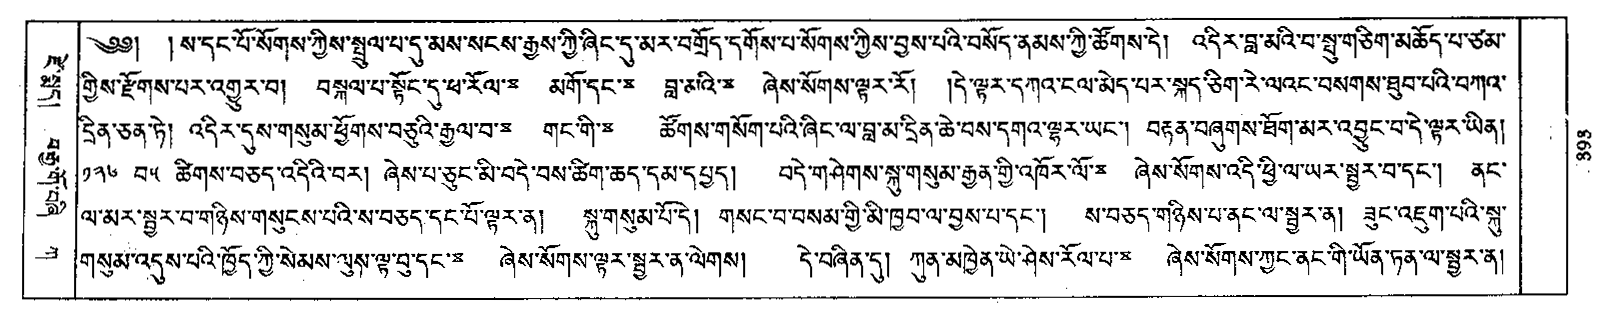༄༅། །ས་དང་པོ་སོགས་ཀྱིས་སྤྲུལ་པ་དུ་མས་སངས་རྒྱས་ཀྱི་ཞིང་དུ་མར་བགྲོད་དགོས་པ་སོགས་ཀྱིས་བྱས་པའི་བསོད་ནམས་ཀྱི་ཚོགས་དེ། འདིར་བླ་མའི་བ་སྤུ་གཅིག་མཆོད་པ་ཙམ་
གྱིས་རྫོགས་པར་འགྱུར་བ། བསྐལ་པ་སྟོང་དུ་ཕ་རོལ་྾་མགོ་དང་྾་བླ་མའི་྾་ཞེས་སོགས་ལྟར་རོ། །དེ་ལྟར་དཀའ་ངལ་མེད་པར་སྐད་ཅིག་རེ་ལའང་བསགས་ཐུབ་པའི་བཀའ་
དྲིན་ཅན་ཏེ། འདིར་དུས་གསུམ་ཕྱོགས་བཅུའི་རྒྱལ་བ་྾་གང་གི་྾་ཚོགས་གསོག་པའི་ཞིང་ལ་བླ་མ་དྲིན་ཆེ་བས་དགའ་ལྷར་ཡང་། བརྟན་བཞུགས་ཐོག་མར་འབྱུང་བ་དེ་ལྟར་ཡིན།
༡༢༦་བ ༥་ཚིགས་བཅད་འདིའི་བར། ཞེས་པ་ཅུང་མི་བདེ་བས་ཚིག་ཆད་དམ་དཔྱད། བདེ་གཤེགས་སྐུ་གསུམ་རྒྱན་གྱི་འཁོར་ལོ་྾་ཞེས་སོགས་འདི་ཕྱི་ལ་ཡར་སྦྱར་བ་དང་། ནང་
ལ་མར་སྦྱར་བ་གཉིས་གསུངས་པའི་ས་བཅད་དང་པོ་ལྟར་ན། སྐུ་གསུམ་པོ་དེ། གསང་བ་བསམ་གྱི་མི་ཁྱབ་ལ་བྱས་པ་དང་། ས་བཅད་གཉིས་པ་ནང་ལ་སྦྱར་ན། ཟུང་འཇུག་པའི་སྐུ་
གསུམ་འདུས་པའི་ཁྱོད་ཀྱི་སེམས་ལུས་ལྟ་བུ་དང་྾་ཞེས་སོགས་ལྟར་སྦྱར་ན་ལེགས། དེ་བཞིན་དུ། ཀུན་མཁྱེན་ཡེ་ཤེས་རོལ་པ་྾་ཞེས་སོགས་ཀྱང་ནང་གི་ཡོན་ཏན་ལ་སྦྱར་ན།